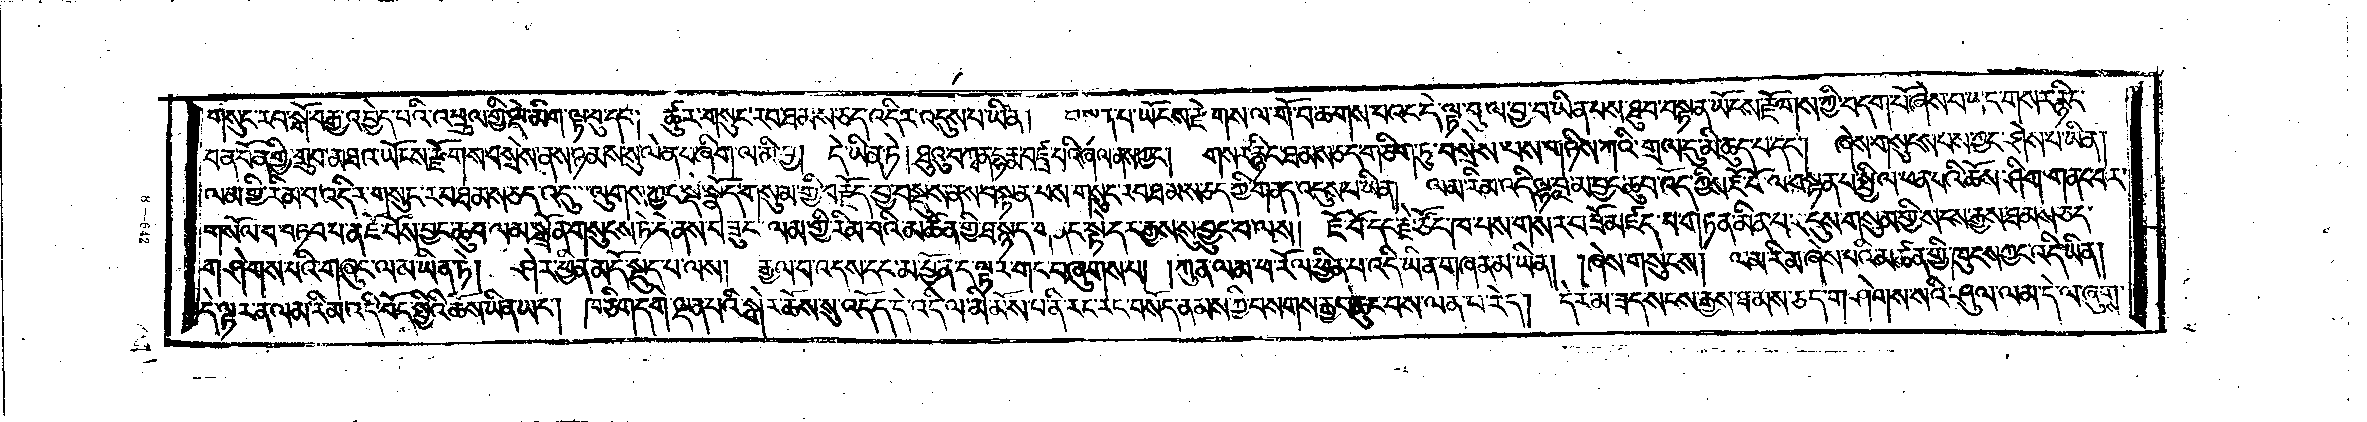གསུང་རབ་སྒོ་བརྒྱ་འབྱེད་པའི་འཕྲུལ་གྱི་ལྡེ་མིག་ལྟ་བུ་དང་། ཚུར་གསུང་རབ་ཐམས་ཅད་འདིར་འདུས་པ་ཡིན། བསྟན་པ་ཡོངས་རྫོགས་ལ་གོ་བ་ཆགས་པའང་དེ་ལྟ་བུ་ལ་བྱ་བ་ཡིན་པས་ཐུབ་བསྟན་ཡོངས་རྫོགས་ཀྱི་བདག་པོ་ཞེས་པ་ཡང་གསར་རྙིང་
བན་བོན་གྱི་གྲུབ་མཐའ་ཡོངས་རྫོགས་བསྲེས་ནས་ཉམས་སུ་ལེན་པ་ཞིག་ལ་མི་བྱ། དེ་ཡིན་ཏེ། ཐུའུ་བཀྭན་དྷརྨ་བཛྲ་པའི་ཞལ་ནས་ཀྱང་། གསར་རྙིང་ཐམས་ཅད་གཅིག་ཏུ་བསྲེས་པས་གཉིས་ཀའི་གྲལ་དུ་མི་ཆུད་པ་དང་། ཞེས་གསུངས་པས་ཀྱང་ཤེས་པ་ཡིན།
ལམ་གྱི་རིམ་པ་འདིར་གསུང་རབ་ཐམས་ཅད་འདུས་ལུགས་ཀྱང་སྡེ་སྣོད་གསུམ་གྱི་བརྗོད་བྱ་བསྡུས་ནས་བསྟན་པས་གསུང་རབ་ཐམས་ཅད་ཀྱི་གནད་འདུས་པ་ཡིན། ལམ་རིམ་འདི་ལྷ་བླ་མ་བྱང་ཆུབ་འོད་ཀྱིས་ཇོ་བོ་ལ་བསྟན་པ་སྤྱི་ལ་ཕན་པའི་ཆོས་ཤིག་གནང་བར་
གསོལ་བ་བཏབ་པ་ན་ཇོ་བོས་བྱང་ཆུབ་ལམ་སྒྲོན་གསུངས་ཏེ་དེ་ནས་བཟུང་ལམ་གྱི་རིམ་པའི་མཚན་གྱི་ཐ་སྙད་གནང་སྟེ་དར་རྒྱས་སུ་བྱུང་བ་ལས། ཇོ་བོ་དང་རྗེ་ཙོང་ཁ་པས་གསར་བཟོ་མཛད་པ་གཏན་མིན་པར་དུས་གསུམ་གྱི་སངས་རྒྱས་ཐམས་ཅད་
གཤེགས་པའི་གཞུང་ལམ་ཡིན་ཏེ། ཤེར་ཕྱིན་མདོ་སྡུད་པ་ལས། རྒྱལ་བ་འདས་དང་མ་བྱོན་ད་ལྟར་གང་བཞུགས་པ། །ཀུན་ལམ་ཕ་རོལ་ཕྱིན་པ་འདི་ཡིན་གཞན་མ་ཡིན། །ཞེས་གསུངས། ལམ་རིམ་ཞེས་པའི་མཚན་གྱི་ཁུངས་ཀྱང་འདི་ཡིན།
དེ་ལྟར་ན་ལམ་རིམ་འདི་བོད་སྤྱིའི་ཆོས་ཡིན་ཡང་། ཁ་ཅིག་དགེ་ལྡན་པའི་སྒེར་ཆོས་སུ་འདོད་དེ་འདི་ལ་མི་མོས་པ་ནི་རང་རང་བསོད་ནམས་ཀྱི་བསགས་རྒྱབ་ཆུང་བས་ལན་པ་རེད། དེར་མ་ཟད་སངས་རྒྱས་ཐམས་ཅད་གཤེགས་སའི་ཤུལ་ལམ་དེ་ལ་ཞུགས་